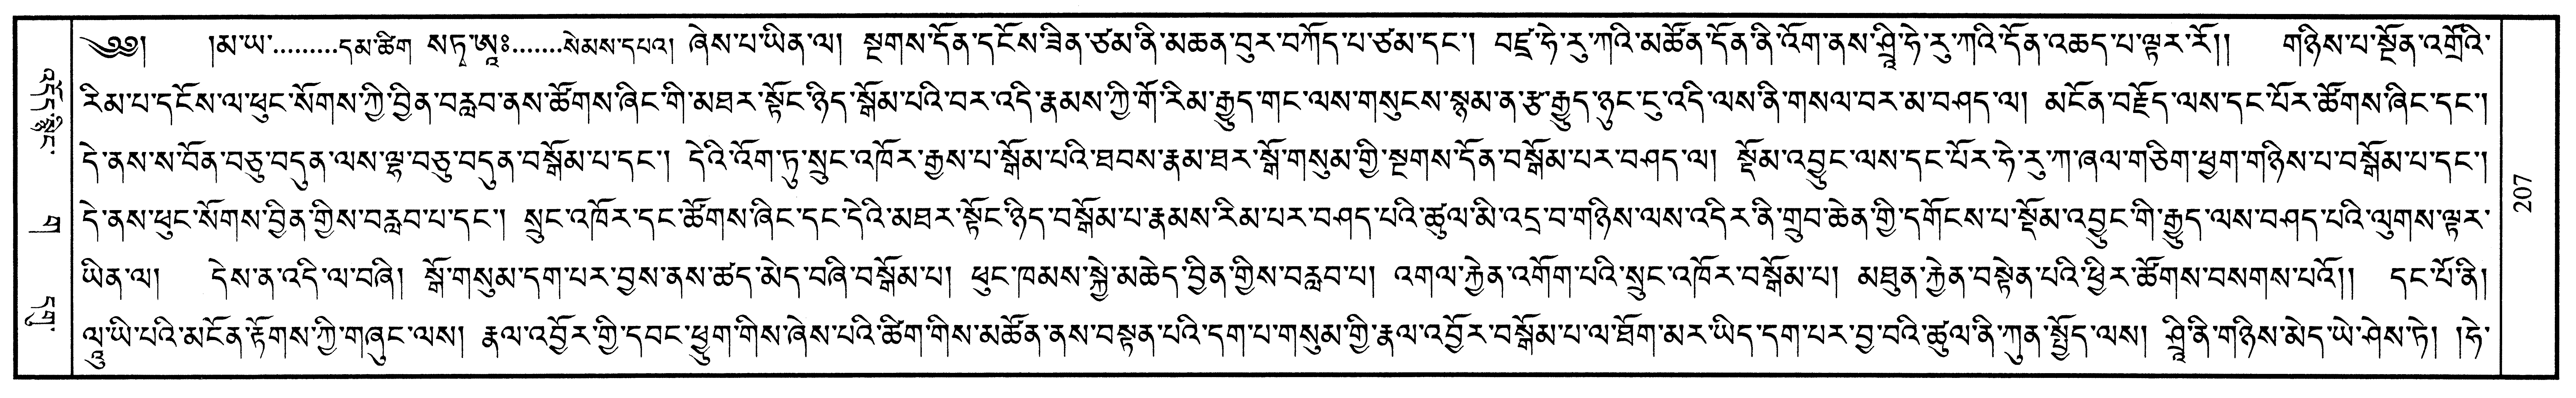༄༅། །མ་ཡ་དམ་ཚིག་སཏྭ་ཨཱཿ སེམས་དཔའ། ཞེས་པ་ཡིན་ལ། སྔགས་དོན་དངོས་ཟིན་ཙམ་ནི་མཆན་བུར་བཀོད་པ་ཙམ་དང་། བཛྲ་ཧེ་རུ་ཀའི་མཚོན་དོན་ནི་འོག་ནས་ཤྲཱི་ཧེ་རུ་ཀའི་དོན་འཆད་པ་ལྟར་རོ།། གཉིས་པ་སྔོན་འགྲོའི་
རིམ་པ་དངོས་ལ་ཕུང་སོགས་ཀྱི་བྱིན་བརླབ་ནས་ཚོགས་ཞིང་གི་མཐར་སྟོང་ཉིད་སྒོམ་པའི་བར་འདི་རྣམས་ཀྱི་གོ་རིམ་རྒྱུད་གང་ལས་གསུངས་སྙམ་ན་རྩ་རྒྱུད་ཉུང་ངུ་འདི་ལས་ནི་གསལ་བར་མ་བཤད་ལ། མངོན་བརྗོད་ལས་དང་པོར་ཚོགས་ཞིང་དང་།
དེ་ནས་ས་བོན་བཅུ་བདུན་ལས་ལྷ་བཅུ་བདུན་བསྒོམ་པ་དང་། དེའི་འོག་ཏུ་སྲུང་འཁོར་རྒྱས་པ་སྒོམ་པའི་ཐབས་རྣམ་ཐར་སྒོ་གསུམ་གྱི་སྔགས་དོན་བསྒོམ་པར་བཤད་ལ། སྡོམ་འབྱུང་ལས་དང་པོར་ཧེ་རུ་ཀ་ཞལ་གཅིག་ཕྱག་གཉིས་པ་བསྒོམ་པ་དང་།
དེ་ནས་ཕུང་སོགས་བྱིན་གྱིས་བརླབ་པ་དང་། སྲུང་འཁོར་དང་ཚོགས་ཞིང་དང་དེའི་མཐར་སྟོང་ཉིད་བསྒོམ་པ་རྣམས་རིམ་པར་བཤད་པའི་ཚུལ་མི་འདྲ་བ་གཉིས་ལས་འདིར་ནི་གྲུབ་ཆེན་གྱི་དགོངས་པ་སྡོམ་འབྱུང་གི་རྒྱུད་ལས་བཤད་པའི་ལུགས་ལྟར་
ཡིན་ལ། དེས་ན་འདི་ལ་བཞི། སྒོ་གསུམ་དག་པར་བྱས་ནས་ཚད་མེད་བཞི་བསྒོམ་པ། ཕུང་ཁམས་སྐྱེ་མཆེད་བྱིན་གྱིས་བརླབ་པ། འགལ་རྐྱེན་འགོག་པའི་སྲུང་འཁོར་བསྒོམ་པ། མཐུན་རྐྱེན་བསྟེན་པའི་ཕྱིར་ཚོགས་བསགས་པའོ།། དང་པོ་ནི།
ལཱུ་ཡི་པའི་མངོན་རྟོགས་ཀྱི་གཞུང་ལས། རྣལ་འབྱོར་གྱི་དབང་ཕྱུག་གིས་ཞེས་པའི་ཚིག་གིས་མཚོན་ནས་བསྟན་པའི་དག་པ་གསུམ་གྱི་རྣལ་འབྱོར་བསྒོམ་པ་ལ་ཐོག་མར་ཡིད་དག་པར་བྱ་བའི་ཚུལ་ནི་ཀུན་སྤྱོད་ལས། ཤྲཱི་ནི་གཉིས་མེད་ཡེ་ཤེས་ཏེ། །ཧེ་